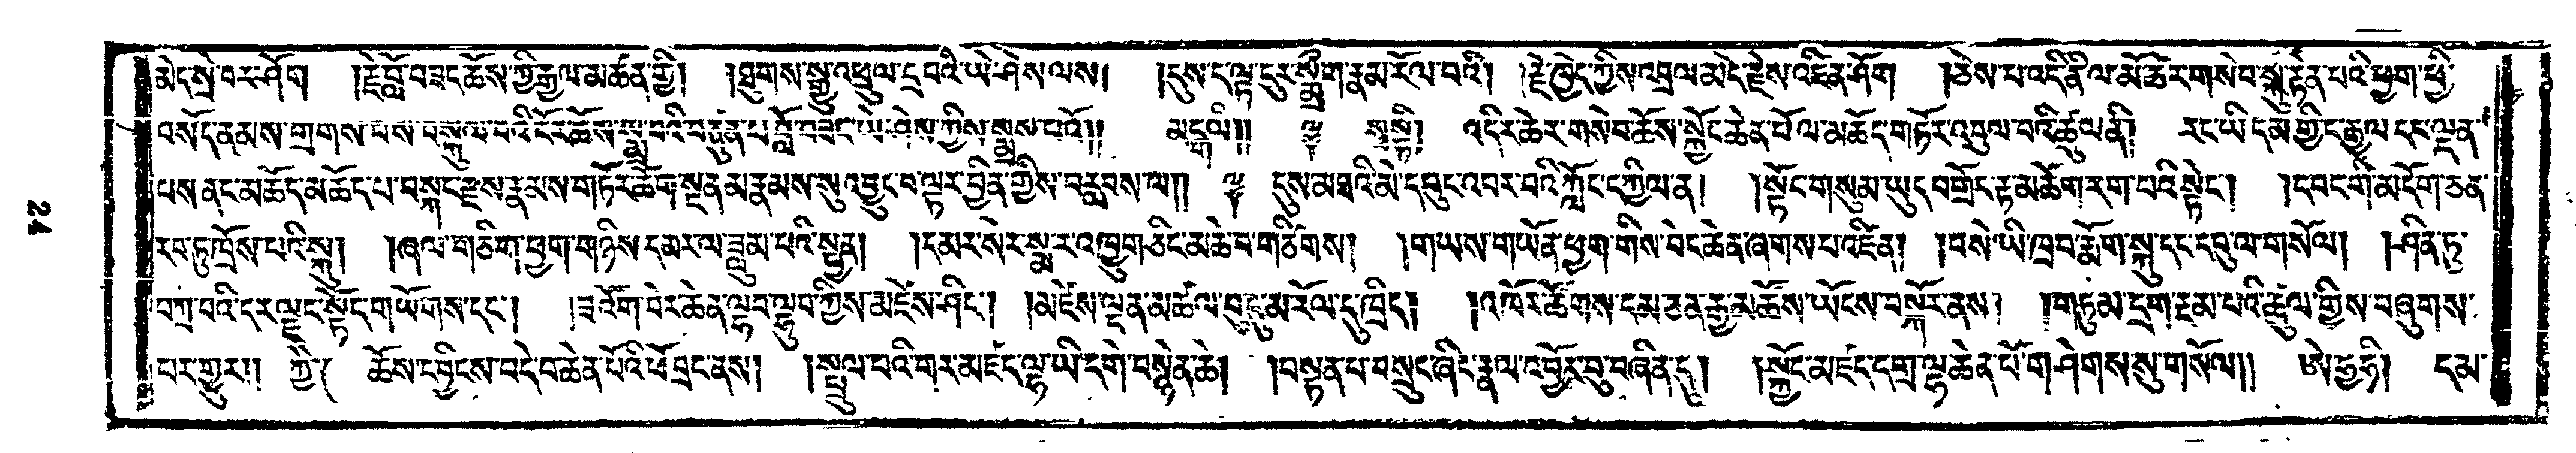མེད་སྲེ་བར་ཤོག །རྗེ་བློ་བཟང་ཆོས་ཀྱི་རྒྱལ་མཚན་གྱི། །ཐུགས་སྒྱུ་འཕྲུལ་དྲ་བའི་ཡེ་ཤེས་ལས། །དུས་ད་ལྟ་དུར་སྨྲིག་རྣམ་རོལ་བའི། །རྗེ་ཁྱེད་ཀྱིས་འབྲལ་མེད་རྗེས་འཛིན་ཤོག །ཅེས་པ་འདི་ནི་ལ་མོ་ཚེར་གསེབ་སྐུ་རྟེན་པའི་ཕྱག་ཕྱི་
བསོད་ནམས་གྲགས་པས་བསྐུལ་བའི་ངོར་ཆོས་སྨྲ་བའི་བཙུན་པ་བློ་བཟང་ཡེ་ཤེས་ཀྱིས་སྨྲས་པའོ།། མངྒལཾ།། ༈ སྭསྟི། འདིར་ཆེར་གསེབ་ཆོས་སྐྱོང་ཆེན་པོ་ལ་མཆོད་གཏོར་འབུལ་བའི་ཚུལ་ནི། རང་ཡི་དམ་གྱི་ང་རྒྱལ་དང་ལྡན་
པས་ནང་མཆོད་མཆོད་པ་བསྐང་རྫས་རྣམས་གཏོར་ཆོག་སྔན་མ་རྣམས་སུ་འབྱུང་བ་ལྟར་བྱིན་གྱིས་བརླབས་ལ།། ༈ དུས་མཐའི་མེ་དབུང་འབར་བའི་ཀློང་དཀྱིལ་ན། །སྟོང་གསུམ་ཡུད་བགྲོང་རྟ་མཆོག་རག་པའི་སྟེང་། །དབང་གི་མདོག་ཅན་
རབ་ཏུ་ཁྲོས་པའི་སྐུ། །ཞལ་གཅིག་ཕྱག་གཉིས་དམར་ལ་ཟླུམ་པའི་སྤྱན། །དམར་སེར་སྨ་ར་འཁྱུག་ཅིང་མཆེ་བ་གཙིགས། །གཡས་གཡོན་ཕྱག་གིས་བདེ་ཆེན་ཞགས་པ་འཛིན། །བསེ་ཡི་ཁྲབ་རྨོག་སྐུ་དང་དབུ་ལ་གསོལ། །ཤིན་ཏུ་
བཀྲ་བའི་དར་ལྗང་སྟོང་གཡོགས་དང་། །ཟ་འོག་བེར་ཆེན་ལྷབ་ལྷུབ་ཀྱིས་མཛེས་ཤིང་། །མཛེས་ལྡན་མཚལ་བུ་དུ་མ་རོལ་དུ་ཁྲིད། །འཁོར་ཚོགས་དམ་ཅན་རྒྱ་མཚོས་ཡོངས་བསྐོར་ནས། །གཏུམ་དྲག་རྔམ་པའི་ཚུལ་གྱིས་བཞུགས་
པར་གྱུར།། ཀྱཻ༑ ཆོས་དབྱིངས་བདེ་བ་ཆེན་པོའི་ཕོ་བྲང་ནས། །སྤྲུལ་པའི་གར་མཛད་ལྷ་ཡི་དགེ་བསྙེན་ཆེ། །བསྟན་པ་བསྲུང་ཞིང་རྣལ་འབྱོར་བུ་བཞིན་དུ། །སྐྱོང་མཛད་དགྲ་ལྷ་ཆེན་པོ་གཤེགས་སུ་གསོལ།། ཨེ་ཧྱ་ཧི། དམ་